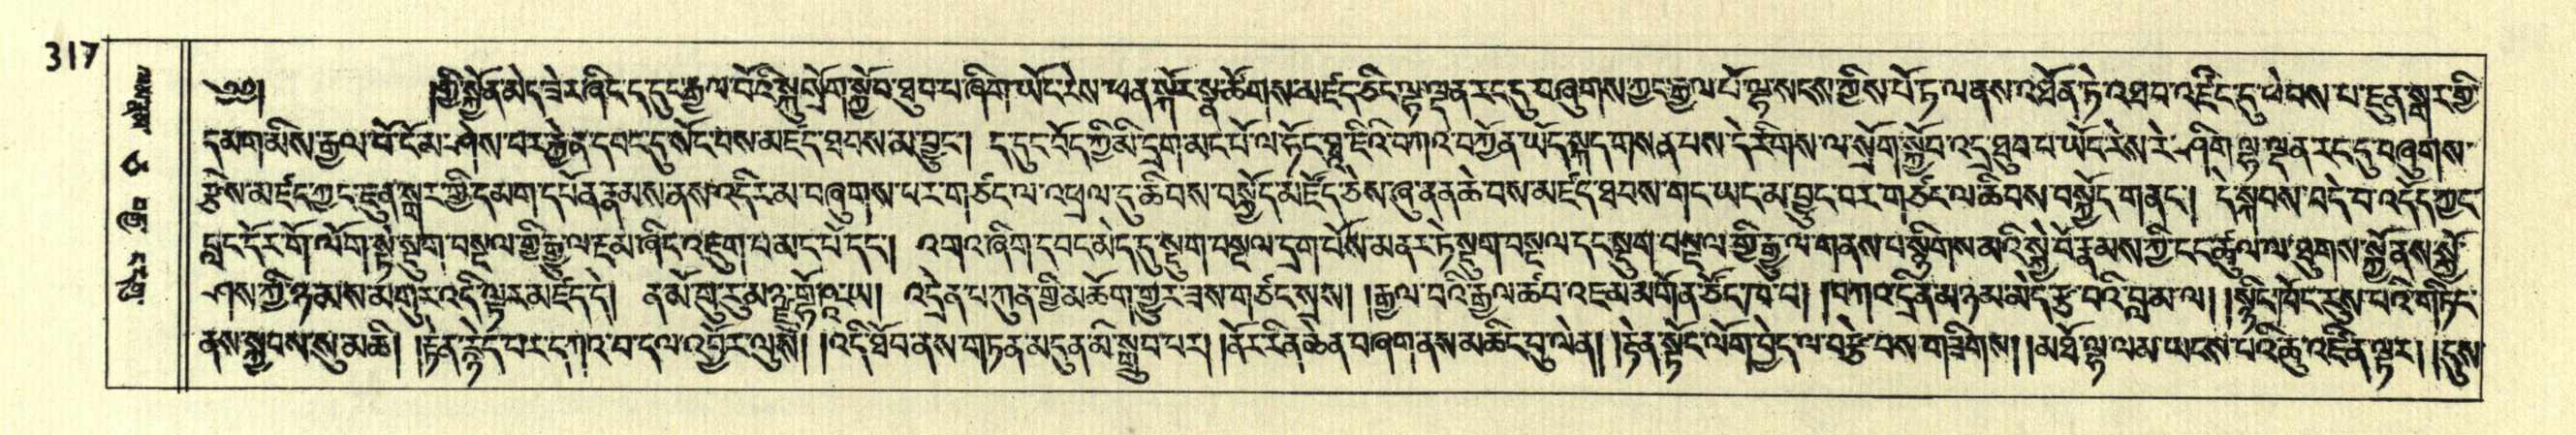༄༅། །གྱི་སྐྱོན་མེད་ཟེར་ཞིང་ད་དུང་རྒྱལ་བོའི་སྐུ་སྲོག་སྐྱོབ་ཐུབ་པ་ཞིག་ཡོང་རེས་ཕན་སྐོར་སྣ་ཚོགས་མཛད་ཅིང་ལྷ་ལྡན་རང་དུ་བཞུགས་ཀྱང་རྒྱལ་པོ་ལྷ་སངས་ཀྱིས་པོ་ཏ་ལ་ནས་འཐོན་ཏེ་འཐབ་འཛིང་དུ་ཕེབས་པ་ཇུན་སྒར་གྱི་
དམག་མིས་རྒྱལ་པོ་ངོ་མ་ཤེས་པར་རྐྱེན་དབང་དུ་སོང་བས་མཛད་ཐབས་མ་བྱུང་། ད་དུང་བོད་ཀྱི་མི་དྲག་མང་པོ་ལ་ཧོང་ཐཱ་ཇིའི་བཀའ་བཀྱོན་ཡོད་སྐད་གསན་པས་དེ་རིགས་ལ་སྲོག་སྐྱོབ་འདྲ་ཐུབ་པ་ཡོང་རེས་རེ་ཤིག་ལྷ་ལྡན་རང་དུ་བཞུགས་
རྩེས་མཛད་ཀྱང་ཇུན་སྒར་གྱི་དམག་དཔོན་རྣམས་ནས་འདིར་མ་བཞུགས་པར་གཙང་ལ་འཕྲལ་དུ་ཆིབས་བསྐྱོད་མཛོད་ཅེས་ཞུ་ནན་ཆེ་བས་མཛད་ཐབས་གང་ཡང་མ་བྱུང་བར་གཙང་ལ་ཆིབས་བསྐྱོད་གནང་། དེ་སྐབས་བདེ་བ་འདོད་ཀྱང་
བླང་དོར་གོ་ལོག་སྟེ་སྡུག་བསྔལ་གྱི་རྒྱུ་ལ་རྔམ་ཞིང་འཇུག་པ་མང་པོ་དང་། འགའ་ཞིག་དབང་མེད་དུ་སྡུག་བསྔལ་དྲག་པོས་མནར་ཏེ་སྡུག་བསྔལ་དང་སྡུག་བསྔལ་གྱི་རྒྱུ་ལ་གནས་པ་སྙིགས་མའི་སྐྱེ་བོ་རྣམས་ཀྱི་ངང་ཚུལ་ལ་ཐུགས་སྐྱོ་ནས་སྐྱོ་
ཤས་ཀྱི་ཉམས་མགུར་འདི་ལྟར་མཛད་དེ། ན་མོ་གུ་རུ་མཉྫུ་གྷོ་ཥཱ་ཡ། འདྲེན་པ་ཀུན་གྱི་མཆོག་གྱུར་ཟས་གཙང་སྲས། །རྒྱལ་བའི་རྒྱལ་ཚབ་འཇམ་མགོན་ཙོང་ཁ་པ། །བཀའ་དྲིན་མཉམ་མེད་རྩ་བའི་བླ་མ་ལ། །སྙིང་ཁོང་རུས་པའི་གཏིང་
ནས་སྐྱབས་སུ་མཆི། །རྟེན་རྙེད་པར་དཀའ་བ་དལ་འབྱོར་ལུས། །འདི་ཐོབ་ནས་གཏན་མདུན་མི་སྒྲུབ་པར། །ནོར་རིན་ཆེན་བཞག་ནས་མཆིང་བུ་ལེན། །རྟེན་སྟོང་ལོག་བྱེད་ལ་བརྩེབས་གཟིགས། །མཐོ་ལྷ་ལམ་ཡངས་པའི་ཆུ་འཛིན་ལྟར། །དུས་